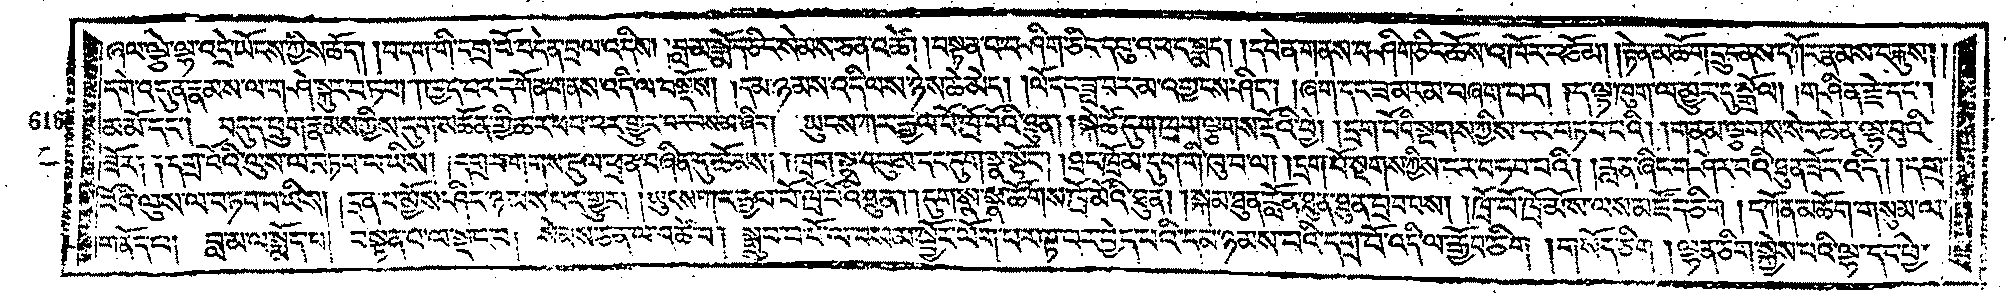ཞལ་ལྕེ་ལྷ་འདྲེ་ཡོངས་ཀྱིས་ཆོད། །བདག་གི་དགྲ་བོ་བདེན་བྲལ་འདིས། །བླ་མ་སྨོད་ཅིང་སེམས་ཅན་འཚེ། །བསྟན་པ་བཤིག་ཅིང་དབུ་འཕང་སྨད། །དབེན་གནས་བཤིག་ཅིང་ཆོས་འཁོར་བཅོམ། །རྟེན་མཆོག་དྲུང་ནས་དཀོར་རྣམས་བརྐུས། །
དགེ་འདུན་རྣམས་ལ་གཤེ་སྐུར་བཏབ། །ཁྱད་པར་དགོན་གནས་འདི་ལ་བསྡོས། །དམ་ཉམས་འདི་ལས་ཉེས་ཆེ་མེད། །ལོ་དང་ཟླ་བར་མ་འགྱངས་ཤིང་། །ཞག་དང་ཟ་མར་མ་བཞག་པར། །ད་ལྟ་ཁུག་ལ་མྱུར་དུ་སྒྲོལ། །གཤིན་རྗེ་དང་།
མ་མོ་དང་། བདུད་ཕྲུག་རྣམས་ཀྱིས་དུག་མཚོན་གྱི་ཆར་ཕབ་པར་གྱུར་པར་བསམ་ཞིང་།  ཡུངས་ཀར་རྒྱལ་པོ་ཁྲོ་བོའི་ཐུན། །སྐེ་ཚེ་དུག་ཁྲག་ལྕགས་རྡོའི་ཕྱེ། །དྲག་པོའི་སྔགས་ཀྱིས་ངར་བཏབ་པའི། །གནམ་ལྕགས་སེར་ཆེན་ལྟ་བུའི་
ཟོར༑ ༑དགྲ་བོའི་ལུས་ལ་བཏབ་པ་ཡིས། །དགྲ་བགགས་རྡུལ་ཕྲན་བཞིན་དུ་ཆོམས། །ཁྲག་སྣ་འབུམ་དང་དུག་སྣ་སྟོང་། །ཐང་ཁྲོམ་དུག་གི་ཁུ་བ་ལ། །དྲག་པོ་སྔགས་ཀྱིས་ངར་བཏབ་པའི། །རླན་ཞིང་གཤེར་བའི་ཐུན་ཟོར་འདི། །དགྲ་
བོའི་ལུས་ལ་བཏབ་པ་ཡིས། །དྲན་པ་མྱོས་ཤིང་ཉམས་པར་གྱུར། །ཡུངས་ཀར་རྒྱལ་པོ་ཁྲོ་བོའི་ཐུན། །དུག་སྣ་སྣ་ཚོགས་ཁྲོ་མོའི་ཐུན། །སྐམ་ཐུན་རློན་ཐུན་ཐུན་བྲབ་པས། །ཁྲོ་བོ་ཁྲོ་མོས་ལས་མཛོད་ཅིག །དཀོན་མཆོག་གསུམ་ལ་
གནོད་པ། བླ་མ་ལ་སྨོད་པ། བསྟན་པ་ལ་སྡང་བ། སེམས་ཅན་ལ་འཚེ་བ། སྒྲུབ་བ་པོ་ལ་བསམ་སྦྱོར་ལོག་པར་ལྟ་བར་བྱེད་པའི་དམ་ཉམས་པའི་དགྲ་བོ་འདི་ལ་རྒྱོབ་ཅིག །གསོད་ཅིག །ལྷན་ཅིག་སྐྱེས་པའི་ལྷ་དང་ཕྱེ་